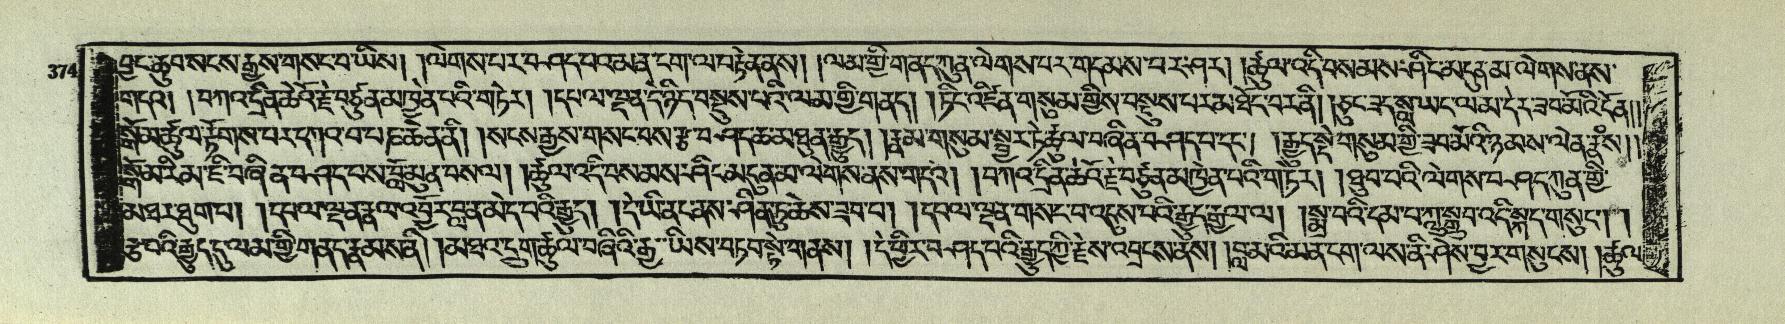བྱང་ཆུབ་སངས་རྒྱས་གསང་བ་ཡིས། །ལེགས་པར་བཤད་པའྨན་ངག་ལ་བརྟེན་ནས། །ལམ་གྱི་གནད་ཀུན་ལེགས་པར་གདམས་པར་ཤར། །ཚུལ་འདི་བསམས་ཤིང་མདུན་མ་ལེགས་ནས་
གདའ། །བཀའ་དྲིན་ཆེའོ་རྗེ་བཙུན་མཁྱེན་པའི་གཏེར། །དཔལ་ལྡན་དེ་ཉིད་བསྡུས་པའི་ལམ་གྱི་གནད། །ཏིང་འཛིན་གསུམ་གྱིས་བསྡུས་པར་མཐོང་བར་ནི། །ཅུང་ཟད་སླ་ཡང་ལམ་དེར་ཟབ་མོའི་དོན།།
སྒོམ་ཚུལ་རྟོགས་པར་དཀའ་བ་པཎ་ཆེན་ནི། །སངས་རྒྱས་གསང་བས་རྩ་བཤད་ཆ་མཐུན་རྒྱུད། །རྣམ་གསུམ་སྦྱར་ཏེ་ཚུལ་བཞིན་བཤད་པ་དང་། །རྒྱུད་སྡེ་གསུམ་གྱི་ཟབ་མོའི་ཉམས་ལེན་རྣཾས། །
སྒོམ་རིམ་ཇི་བཞིན་བཤད་པས་བློ་མུན་བསལ། །ཚུལ་འདི་བསམས་ཤིང་མདུན་མ་ལེགས་ནས་གདའ། །བཀའ་དྲིན་ཆེའོ་རྗེ་བཙུན་མཁྱེན་པའི་གཏེར། །ཐུབ་པའི་ལེགས་བཤད་ཀུན་གྱི་
མཐར་ཐུག་པ། །དཔལ་ལྡན་རྣལ་འབྱོར་བླ་ན་མེད་པའི་རྒྱུད། །དེ་ཡི་ནང་ནས་ཤིན་ཏུ་ཆེས་ཟབ་པ། །དཔལ་ལྡན་གསང་བ་འདུས་པའི་རྒྱུད་རྒྱལ་ལ། །སྨྲ་བའི་དམ་པ་ཀླུ་སྒྲུབ་འདི་སྐད་གསུང་། །
རྩ་བའི་རྒྱུད་དུ་ལམ་གྱི་གནད་རྣམས་ནི། །མཐའ་དྲུག་ཚུལ་བཞིའི་རྒྱ་ཡིས་བཏབ་སྟེ་གནས། །དེ་ཕྱིར་བཤད་པའི་རྒྱུད་ཀྱི་རྗེས་འབྲངས་ནས། །བླ་མའི་མན་ངག་ལས་ནི་ཤེས་བྱར་གསུངས། །ཚུལ་